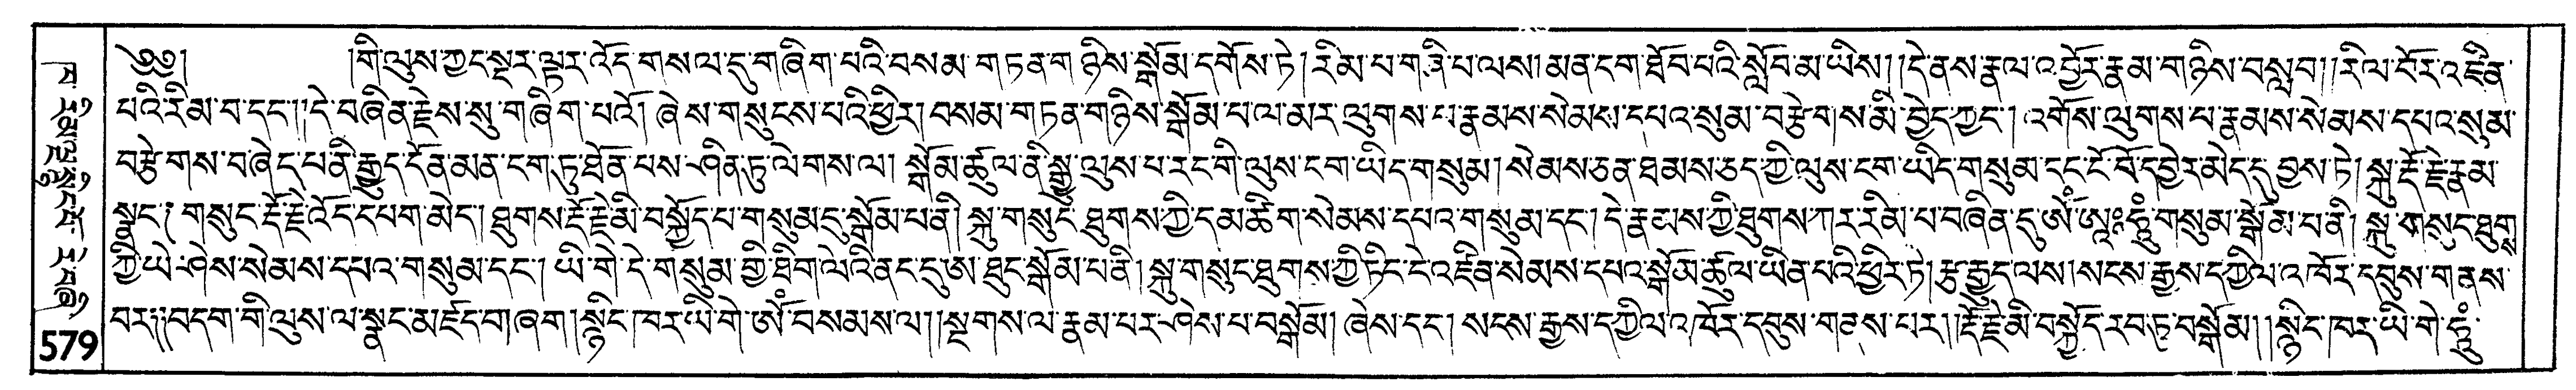༄༅། །གི་ལུས་ཀྱང་སྔར་ལྟར་འོད་གསལ་དུ་གཞིག་པའི་བསམ་གཏན་གཉིས་སྒོམ་དགོས་ཏེ། རིམ་པ་གཞི་པ་ལས། མན་ངག་ཐོབ་པའི་སློབ་མ་ཡིས། །དེ་ནས་རྣལ་འབྱོར་རྣམ་གཉིས་བསླབ། །རིལ་བོར་འཛིན་
པའི་རིམ་པ་དང་། །དེ་བཞིན་རྗེས་སུ་གཞིག་པའོ། ཞེས་གསུངས་པའི་ཕྱིར། བསམ་གཏན་གཉིས་སྒོམ་པ་ལ་མར་ལུགས་པ་རྣམས་སེམས་དཔའ་སུམ་བརྩེགས་མི་བྱེད་ཀྱང་། འགོས་ལུགས་པ་རྣམས་སེམས་དཔའ་སུམ་
བརྩེགས་བཞེད་པ་ནི་རྒྱུད་དོན་མན་ངག་ཏུ་ཐོན་པས་ཤིན་ཏུ་ལེགས་ལ། སྒོམ་ཚུལ་ནི་སྒྱུ་ལུས་པ་རང་གི་ལུས་ངག་ཡིད་གསུམ། སེམས་ཅན་ཐམས་ཅད་ཀྱི་ལུས་ངག་ཡིད་གསུམ་དང་ངོ་བོ་དབྱེར་མེད་དུ་བྱས་ཏེ། སྐུ་རྡོ་རྗེ་རྣམ་
སྣང༑ གསུང་རྡོ་རྗེ་འོད་དཔག་མེད། ཐུགས་རྡོ་རྗེ་མི་བསྐྱོད་པ་གསུམ་དུ་སྒོམ་པ་ནི། སྐུ་གསུང་ཐུགས་ཀྱི་དམ་ཚིག་སེམས་དཔའ་གསུམ་དང་། དེ་རྣམས་ཀྱི་ཐུགས་ཀར་རིམ་པ་བཞིན་དུ་ཨོཾ་ཨཱཿ ཧཱུཾ་གསུམ་སྒོམ་པ་ནི། སྐུ་གསུང་ཐུགས་
ཀྱི་ཡེ་ཤེས་སེམས་དཔའ་གསུམ་དང་། ཡི་གེ་དེ་གསུམ་གྱི་ཐིག་ལེའི་ནང་དུ་ཨ་ཐུང་སྒོམ་པ་ནི། སྐུ་གསུང་ཐུགས་ཀྱི་ཏིང་ངེ་འཛིན་སེམས་དཔའ་སྒོམ་ཚུལ་ཡིན་པའི་ཕྱིར་ཏེ། རྩ་རྒྱུད་ལས། སངས་རྒྱས་དཀྱིལ་འཁོར་དབུས་གནས་
བར༑ ༑བདག་གི་ལུས་ལ་སྣང་མཛད་གཞག །སྙིང་ཁར་ཡི་གེ་ཨོཾ་བསམས་ལ། །སྔགས་ལ་རྣམ་པར་ཤེས་པ་བསྒོམ། ཞེས་དང་། སངས་རྒྱས་དཀྱིལ་འཁོར་དབུས་གནས་པར། །རྡོ་རྗེ་མི་བསྐྱོད་རབ་ཏུ་བསྒོམ། །སྙིང་ཁར་ཡི་གེ་ཧཱུཾ་